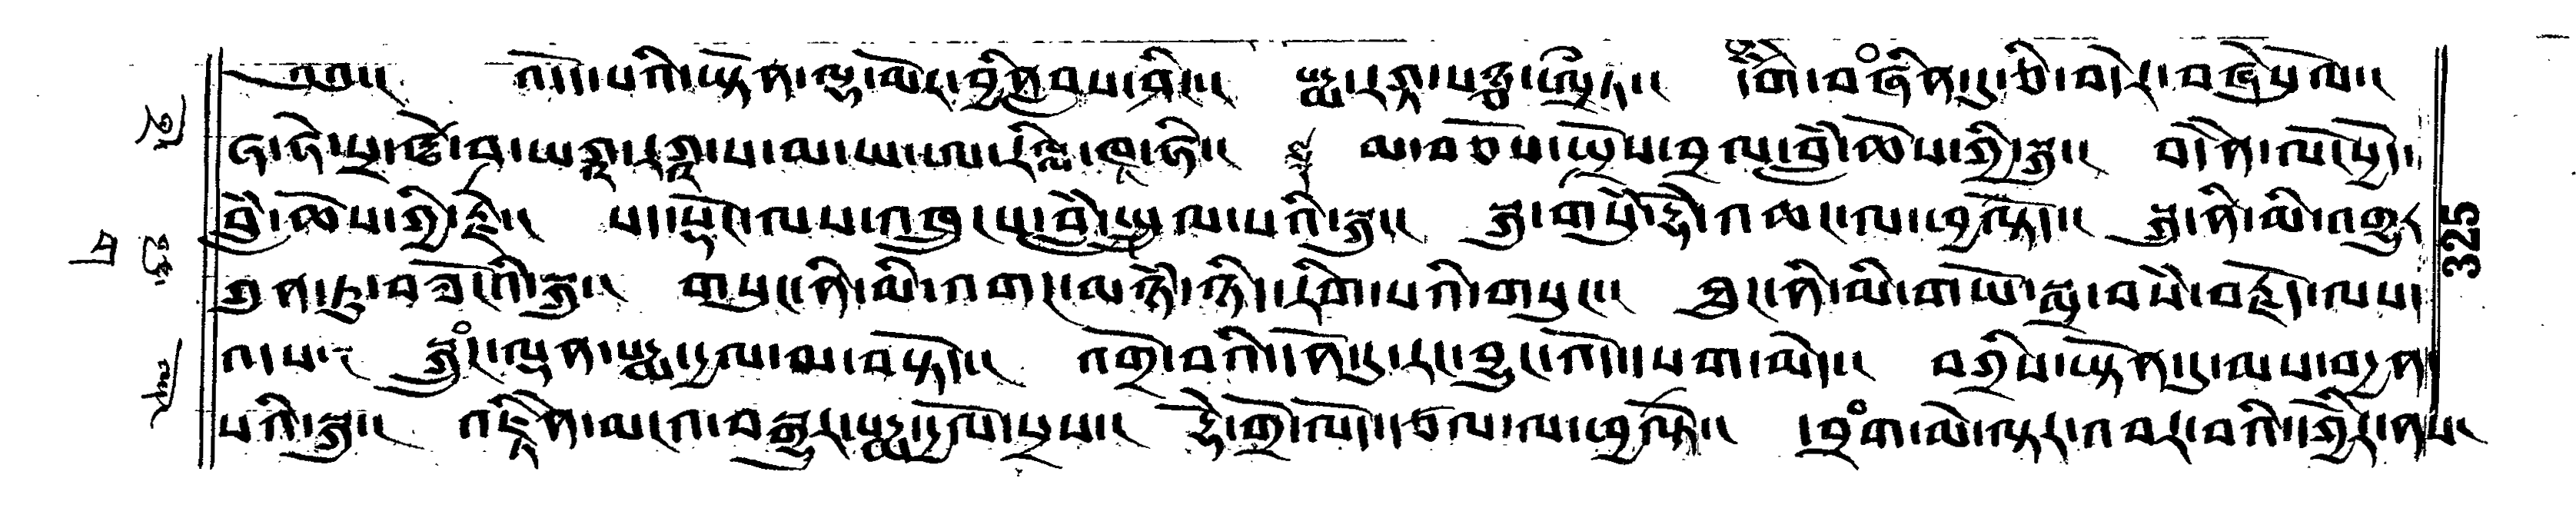།འདོད་པའི་ཡོན་ཏན་ལྷ་མོར་བྱིན་རླབས་ཤིང་། །པདྨ་རཀྟ་པཉྩ་ཨ་མྲྀ་ཏ། །དམ་ཚིག་བཞིན་དུ་ཅི་བདེར་བཞེས་སུ་གསོལ། །
ཧ་ཧེ་པྲ་ཝེ་ཤ་ཡཀྵ་རཀྵ་ས་མ་ཡ་ཨ་རལླི་ཁཱ་ཧི། མ་བཅོས་སྤྲོས་བྲལ་བླ་མ་ཆོས་ཀྱི་སྐུ། །བདེ་ཆེན་ལོངས་སྤྱོད་
བླ་མ་ཆོས་ཀྱི་རྗེ། །པད་སྡོང་ལས་འཁྲུངས་བླ་མ་སྤྲུལ་པའི་སྐུ། །སྐུ་གསུམ་རྡོ་རྗེ་འཆང་ལ་ཕྱག་འཚལ་བསྟོད། །སྐུ་ནི་མི་འགྱུར་
ཀུན་ཏུ་བཟང་པོའི་སྐུ། །གསུང་ནི་མི་འགགས་མཉམ་ཉིད་རིག་པའི་གསུང་། །ཐུགས་ནི་མི་གཡོ་སྨྲ་བསམ་བརྗོད་ལས་
འདས། །སྐུ་གསུང་ཐུགས་ལྡན་པདྨ་རྒྱལ་ལ་བསྟོད། །འགྲོ་བའི་དོན་དུ་རང་བྱུང་འོད་དཔག་མེད། །བཀྲ་ཤིས་ཡོན་ཏན་དུ་མས་བརྒྱན་
པའི་སྐུ། །འཇིག་རྟེན་མངའ་བསྒྱུར་པདྨ་རྒྱལ་པོའི་སྲས། །རྡོ་རྗེ་གྲོ་ལོད་རྩལ་ལ་ཕྱག་འཚལ་བསྟོད། །དབང་དྲག་མེ་ལྟར་འབར་བའི་དཀྱིལ་འཁོར་ནས།